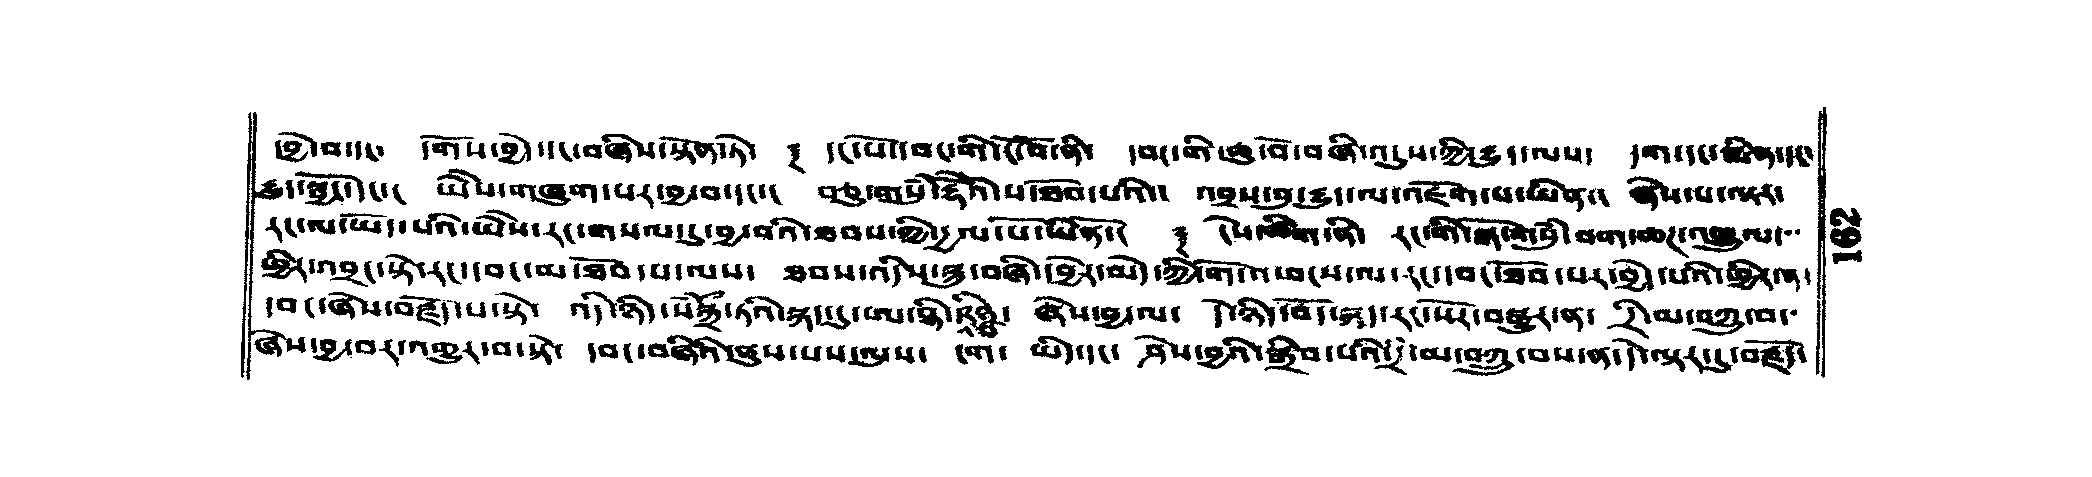དབྱེ་བ་དང་། དགོས་བྱེད་དང་བཞིས་སྟོན་ཏེ། དང་པོ་དབང་གི་ངོ་བོ་ནི། དབང་གི་ཆུ་བོ་བཞི་འདུས་ཀྱི་རྒྱུད་ལས། དག་དང་སྨིན་དང་
རྒྱུད་སྦྱོང་དང་། །ཡེ་ཤེས་གཞུག་པར་བྱ་བ་དང་། །བཅུ་གསུམ་རྡོ་རྗེའི་ས་ཐོབ་པའི། །འབྲས་བུ་རྒྱུད་ལ་འཇོག་པ་ཡིན། ཞེས་པ་ལྟར་
རང་ལ་ཡོད་པའི་ཡེ་ཤེས་རང་གསལ་དུ་བྱ་བའི་ཐབས་ཀྱི་རྒྱལ་པོ་ཡིན་ནོ། ངེས་ཆཚག་ནི། རང་གི་སྒོ་གསུམ་བག་ཆགས་འཁྲུལ་
ཕྱིར་འབྲང་སྟེ་རང་དབང་མ་ཐོབ་པ་ལས། ཐབས་འདིས་སྐུ་བཞི་དབྱེར་མེད་ཀྱི་གོ་འཕང་ལ་རང་དབང་ཐོབ་པར་བྱེད་པའི་ཕྱིར་ན་
དབང་ཞེས་བརྗོད་པ་སྟེ། འདི་ཉིད་སཾ་སྐྲྀ་ཏའི་སྐད་དུ་ཨ་བྷི་རཱིཉྩ་ཞེས་བྱ་ལ། དེ་ཉིད་བོད་སྐད་དུ་རང་སོར་བསྒྱུར་ན། དྲི་མ་བཀྲུ་བ་
ཞེས་བྱ་བར་འགྱུར་བ་སྟེ། དབང་བཞིའི་ནུས་པས་ལུས་ངག ཡིད་དང་། ཤེས་བྱའི་སྒྲིབ་པའི་དྲི་མ་བཀྲུ་བས་ན་དེ་ལྟར་དུ་བརྗོད་